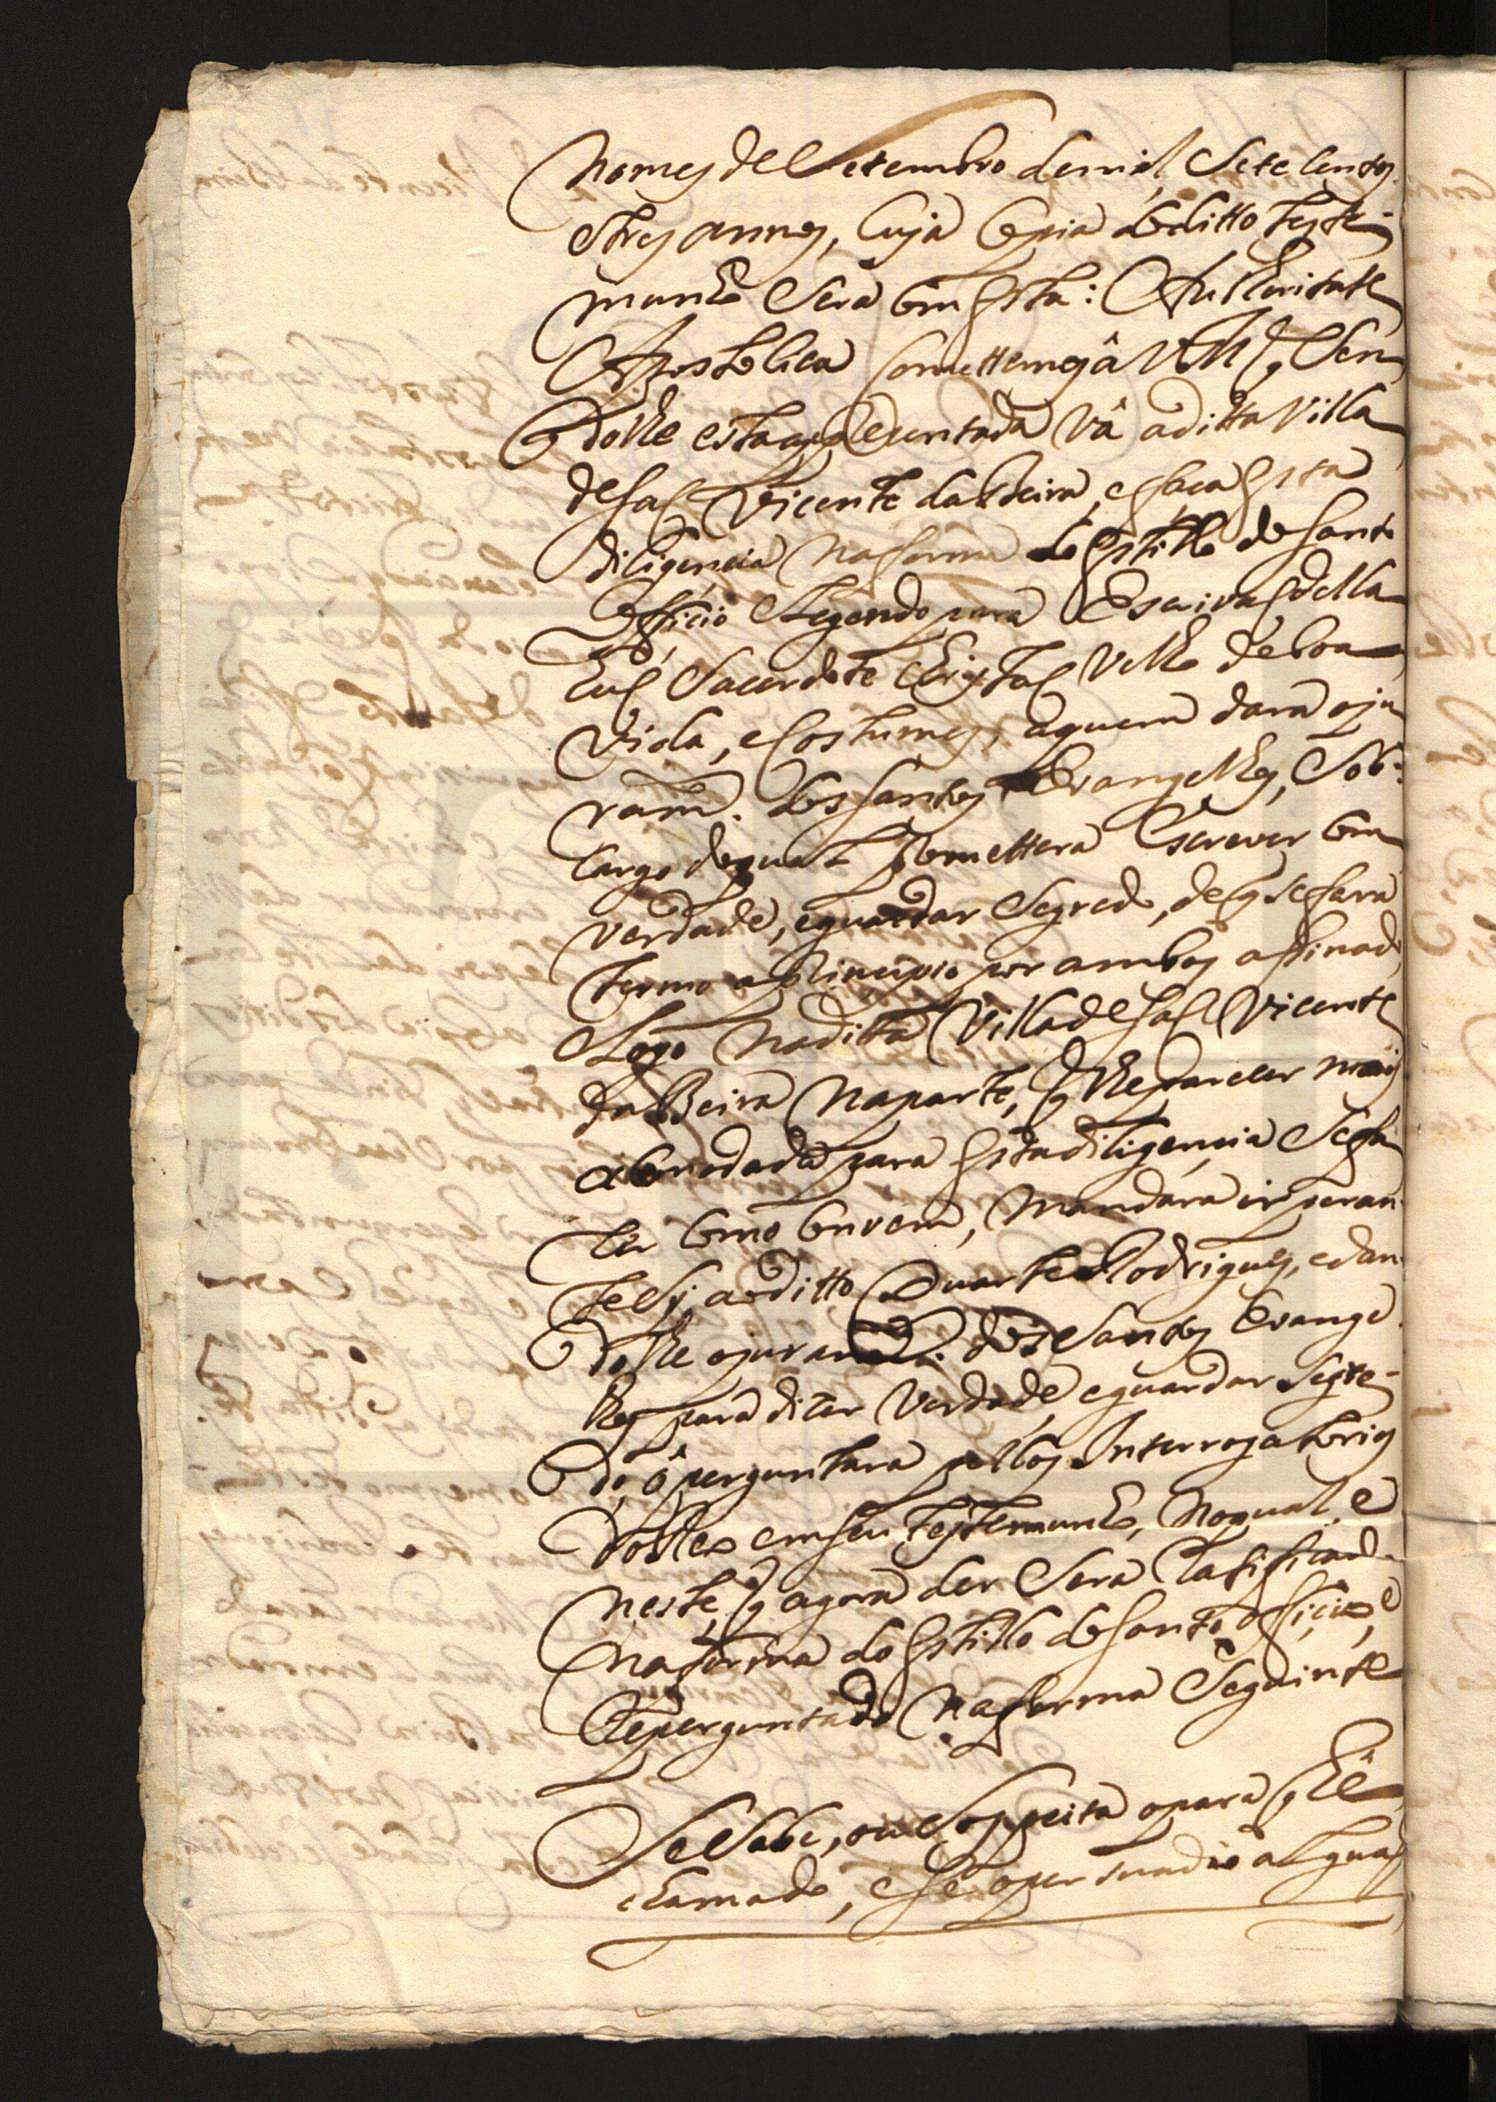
no mes de Setembro de mil, setecentos
e tres annos, Cuja Copia do ditto Teste
munho sera composta: Authoritate
Apostolica Comettemos â VM q̄ sen
dolhe esta apprezentada vâ a ditta Villa
de sā Vicente da Beira, e faça esta
diligençia na forma do estillo do santo
offiçio eLegendo para Escrivā della
hū sacerdote cristā velho de boa
vida, e Costumes, a quem dara o ju
ram.to dos santos Evangelhos, sob
Cargo do qual promettera Escrever Com
verdade, e guardar segredo, de q̄ se fara
termo a prinçipio por ambos assinado,
e Logo na ditta Villa de sā Vicente
da Beira na parte, q̄ lhe parecer mais
acomodada para esta diligençia se fa
zer como convem, mandara ir peran
te sy ao ditto Duarte Rodrigues, e dan
dolhe o juram.to dos Santos Evange
lhos para dizer verdade e guardar segre
do, ô perguntara pellos Interrogatorios
do Reo em seu testemunho, no qual, e
neste q̄ agora der sera Ratificado
na forma do estillo do santo offiçio, e
Reperguntado na forma seguinte
Se sabe, ou sospeita o para q̄ hê
chamado, e se o persuadio alguā
